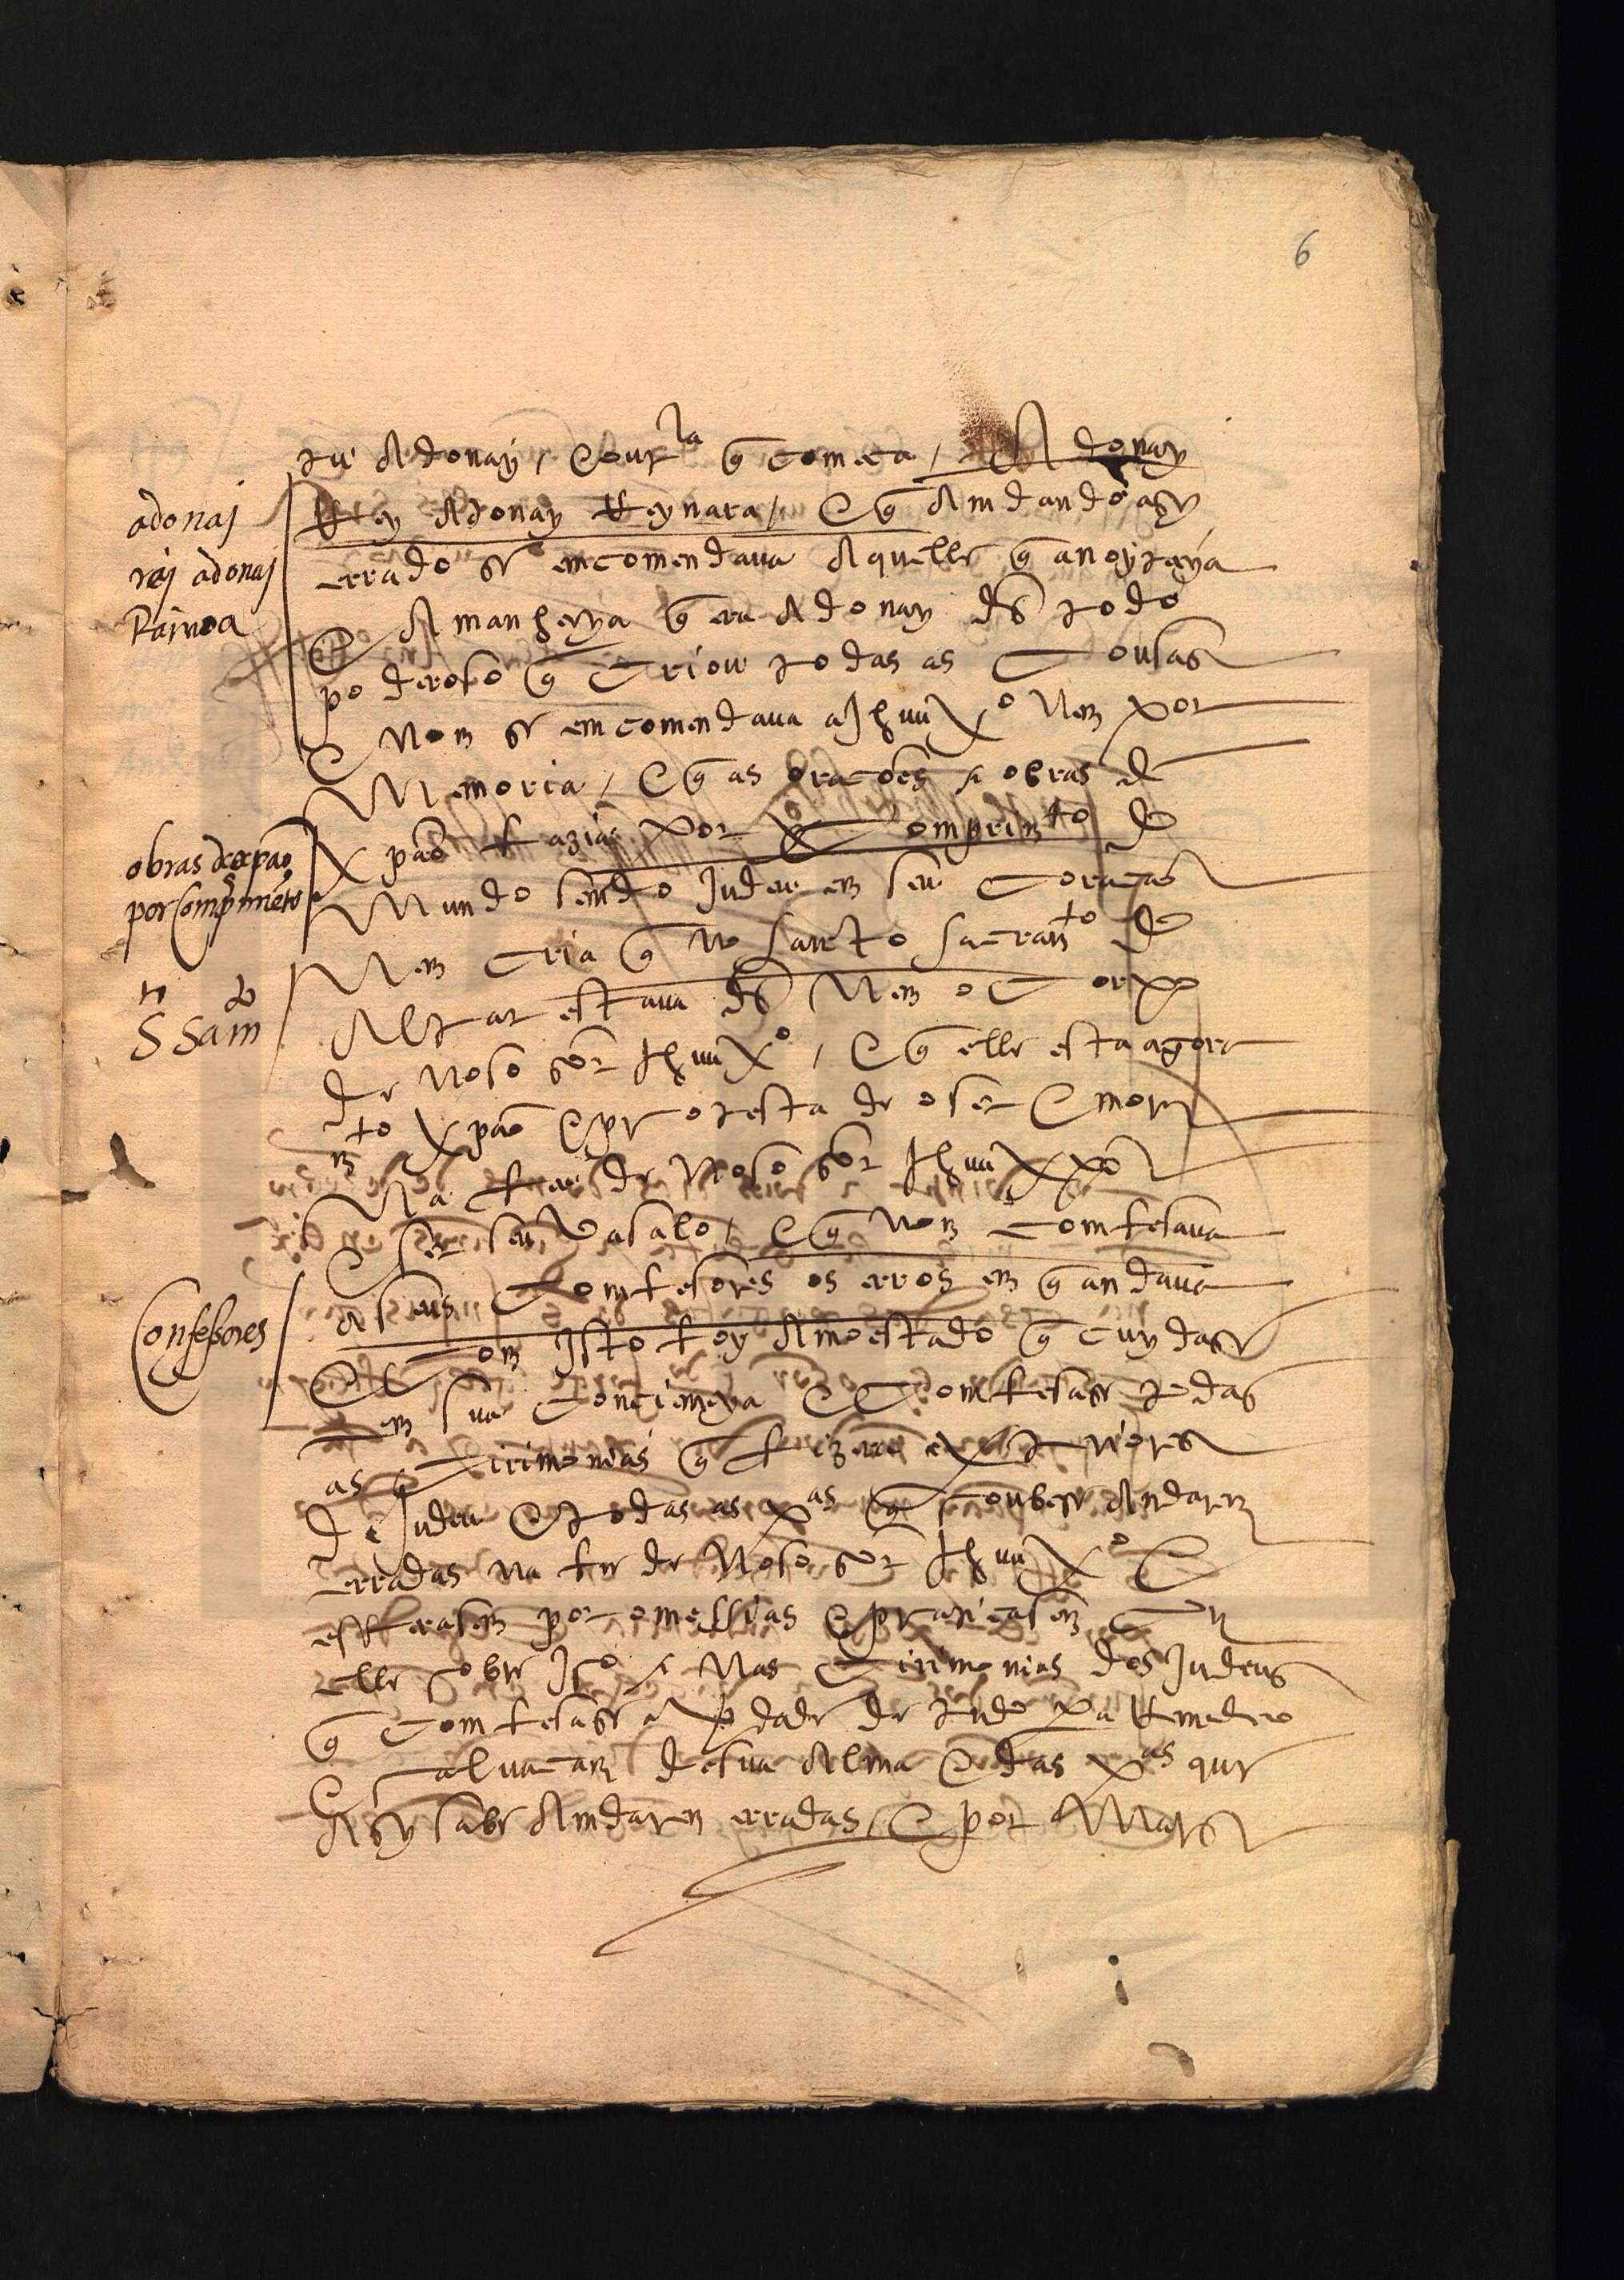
adonaj
rej adonaj
Rain_a
obras de xpão
por Comp̄mēto
Sto Samto
Confessores
tu Adonay / e outra q̄ começa / Adonay
Rey Adonay Reynara / e q̄ Amdando asy
errado se emcomendaua Aquelle q̄ anoytecya
e Amanhecya q̄ era Adonay ds̄ todo
poderoso q̄ Criou todas as Cousas
e nom se emcomendaua a Jhuū Xo Nem por
Memoria / e q̄ as oraçoẽs e obras de
Xpaõ fazia por Comprimto do
Mundo semdo Judeu em seu Coraçaõ
Nem cria q̄ no Sancto Sacramto do
Altar estaua ds̄ Nem o Corpo
de noso sōr Jhuu Xo / e q̄ elle esta agora
mto Xpão e protesta de o ser e morer
Na fee de noso sōr Jhuū Xpō
e ser seu Vasalo / e q̄ nom comfesaua
a seus Comfesores os erros em q̄ andaua
e Com Jsto foy Amoestado q̄ cuydase
em sua conciemcya e Comfesase todas
as Cirimonias q̄ fizera eXteriores
de Judeu e todas as pas q̄ soubese Andarem
erradas na fee de noso sor̄ Jhuu Xo e
esperasem por o messias e praticasem Com
elle sobre Jso e nas cirimonias dos Judeus
q̄ comfesase a ꝟdade de tudo ꝑa Remedeo
e saluaçam de sua Alma e das pas que
Asy sabe Amdarem erradas / e por Majs
